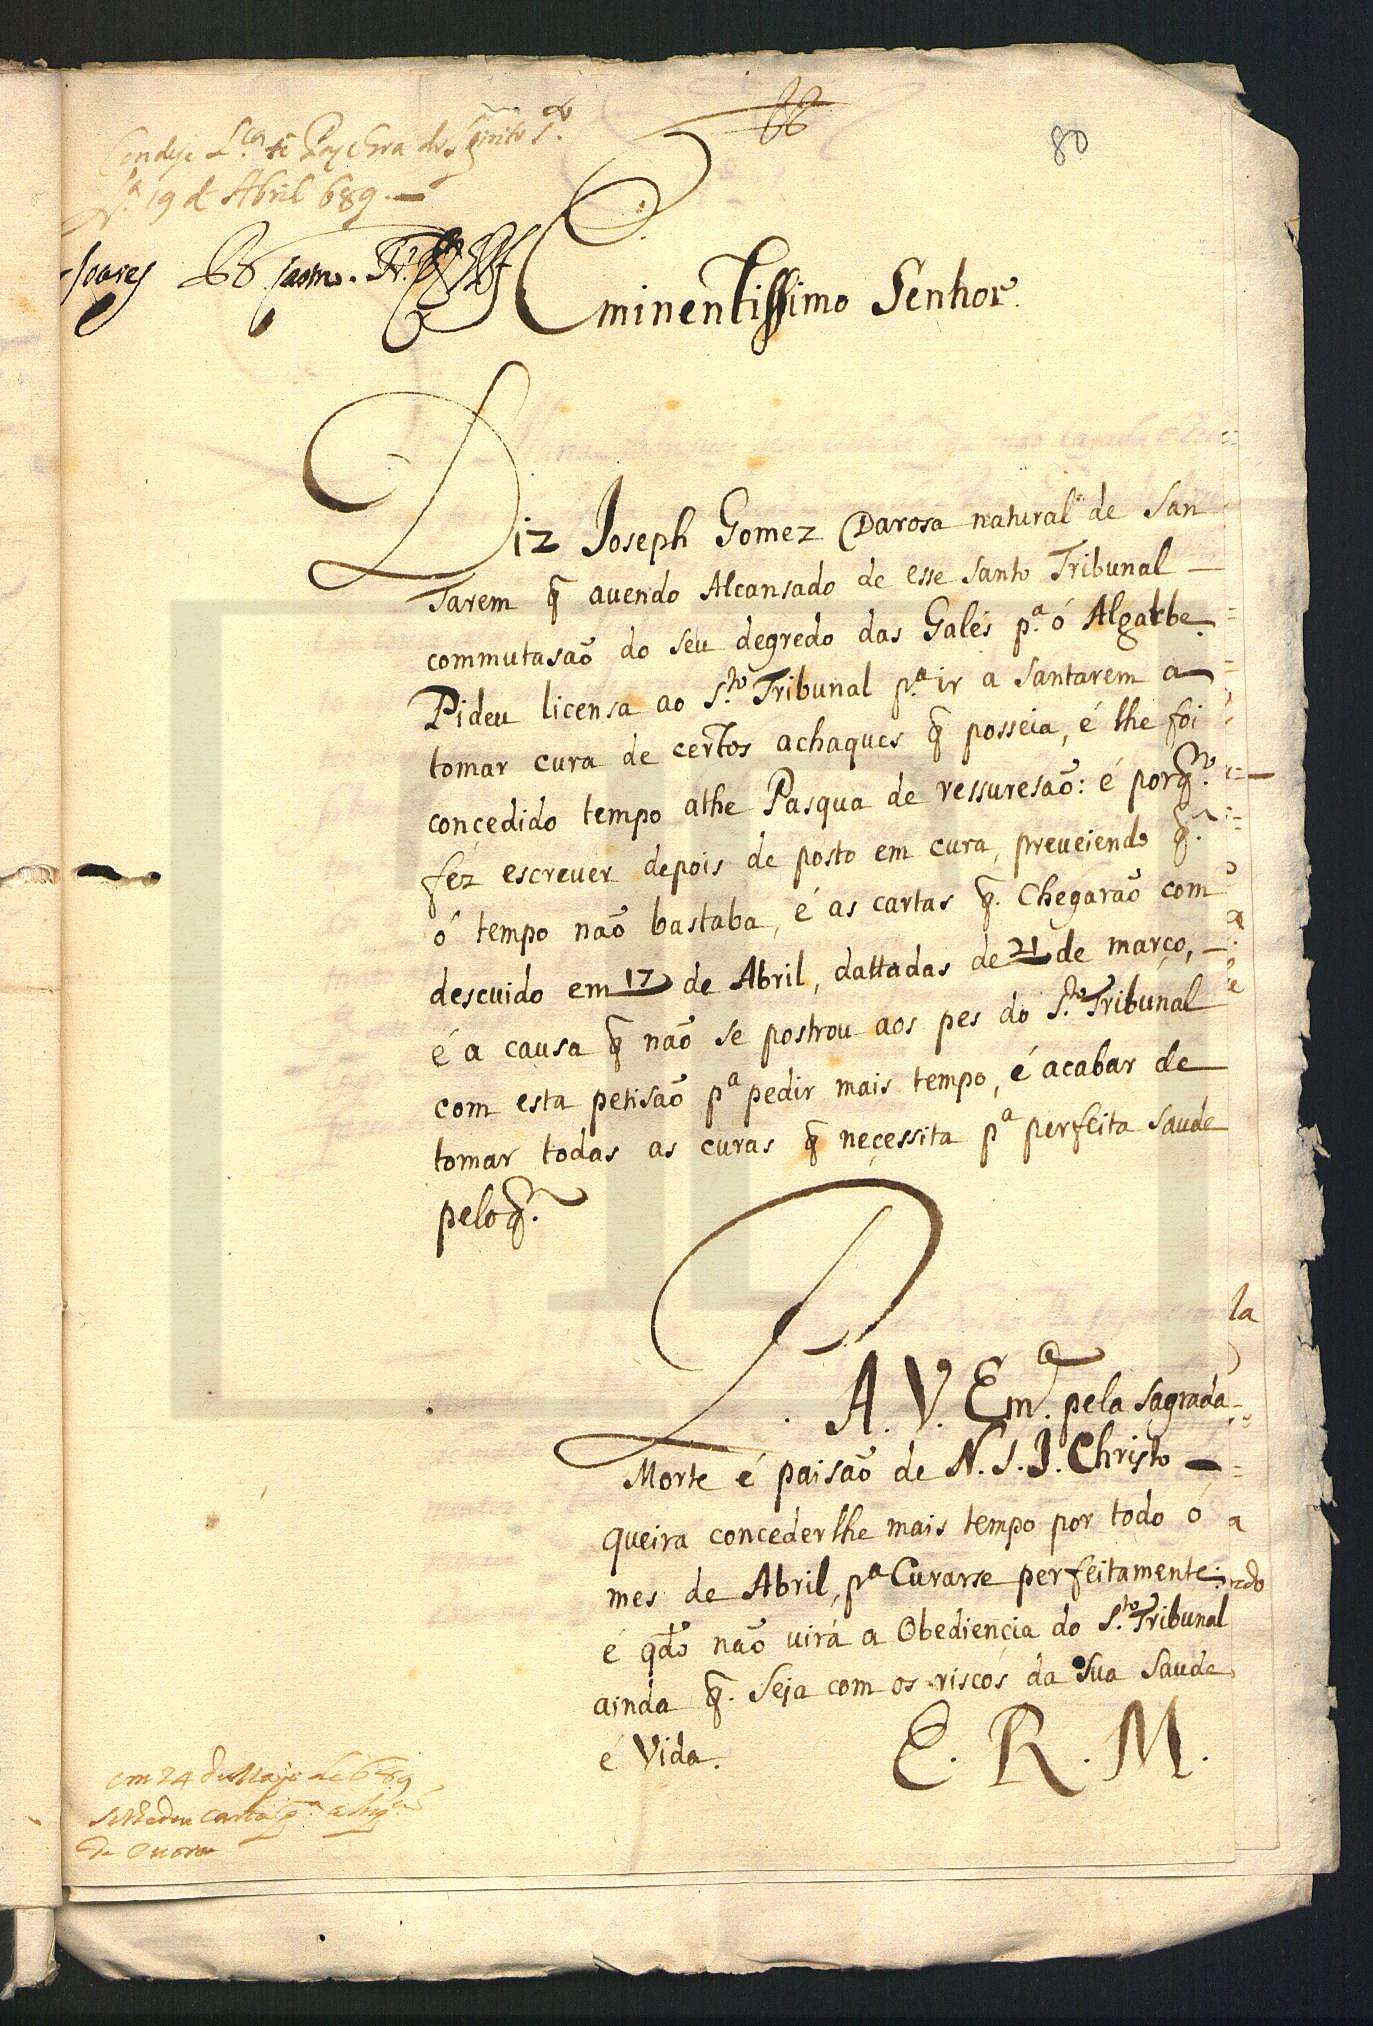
Eminentissimo Senhor
Diz Ioseph Gomez Da rosa natural de San
tarem q̄ auendo Alcansado de esse santo Tribunal
commutasaõ do seu degredo das Galés p.a ó Algalbe
Pideu licensa ao s.to Tribunal p.a ir a Santarem a
tomar cura de certos achaques q̄ posseia, é lhe foi
conçedido tempo athe Pasqua de ressuresaõ: é porq̄to.
fez escreuer depois de posto em cura, preueiendo q̄.
ó tempo naõ bastaba, é as cartas q̄. chegaraõ com
descuido em 17 de Abril, dattadas de 4 de março,
é a causa q̄ naõ se postrou aos pes do s.to Tribunal
com esta petisaõ pa pedir mais tempo, é acabar de
tomar todas as curas q̄ neçessita pa perfeita saude
pelo q̄.
P. A. V. Ema. pela Sagrada
Morte é paisaõ de N. S. I. Christo
queira concederlhe mais tempo por todo o
mes de Abril, pa Curarse perfeitamente:
é qd̄o naõ uirá a Obediençia do S.to Tribunal
ainda q̄. Seja com os riscos da Sua Saude
é Vida.
E. R. M.
Condese L.ca té Paschoa do Spirito S.to
Lx.a 19 d̄ Abril 689.
em 24 de Mayo de 689
se lhe deu carta pa. a Inq.aõ
de Euora
